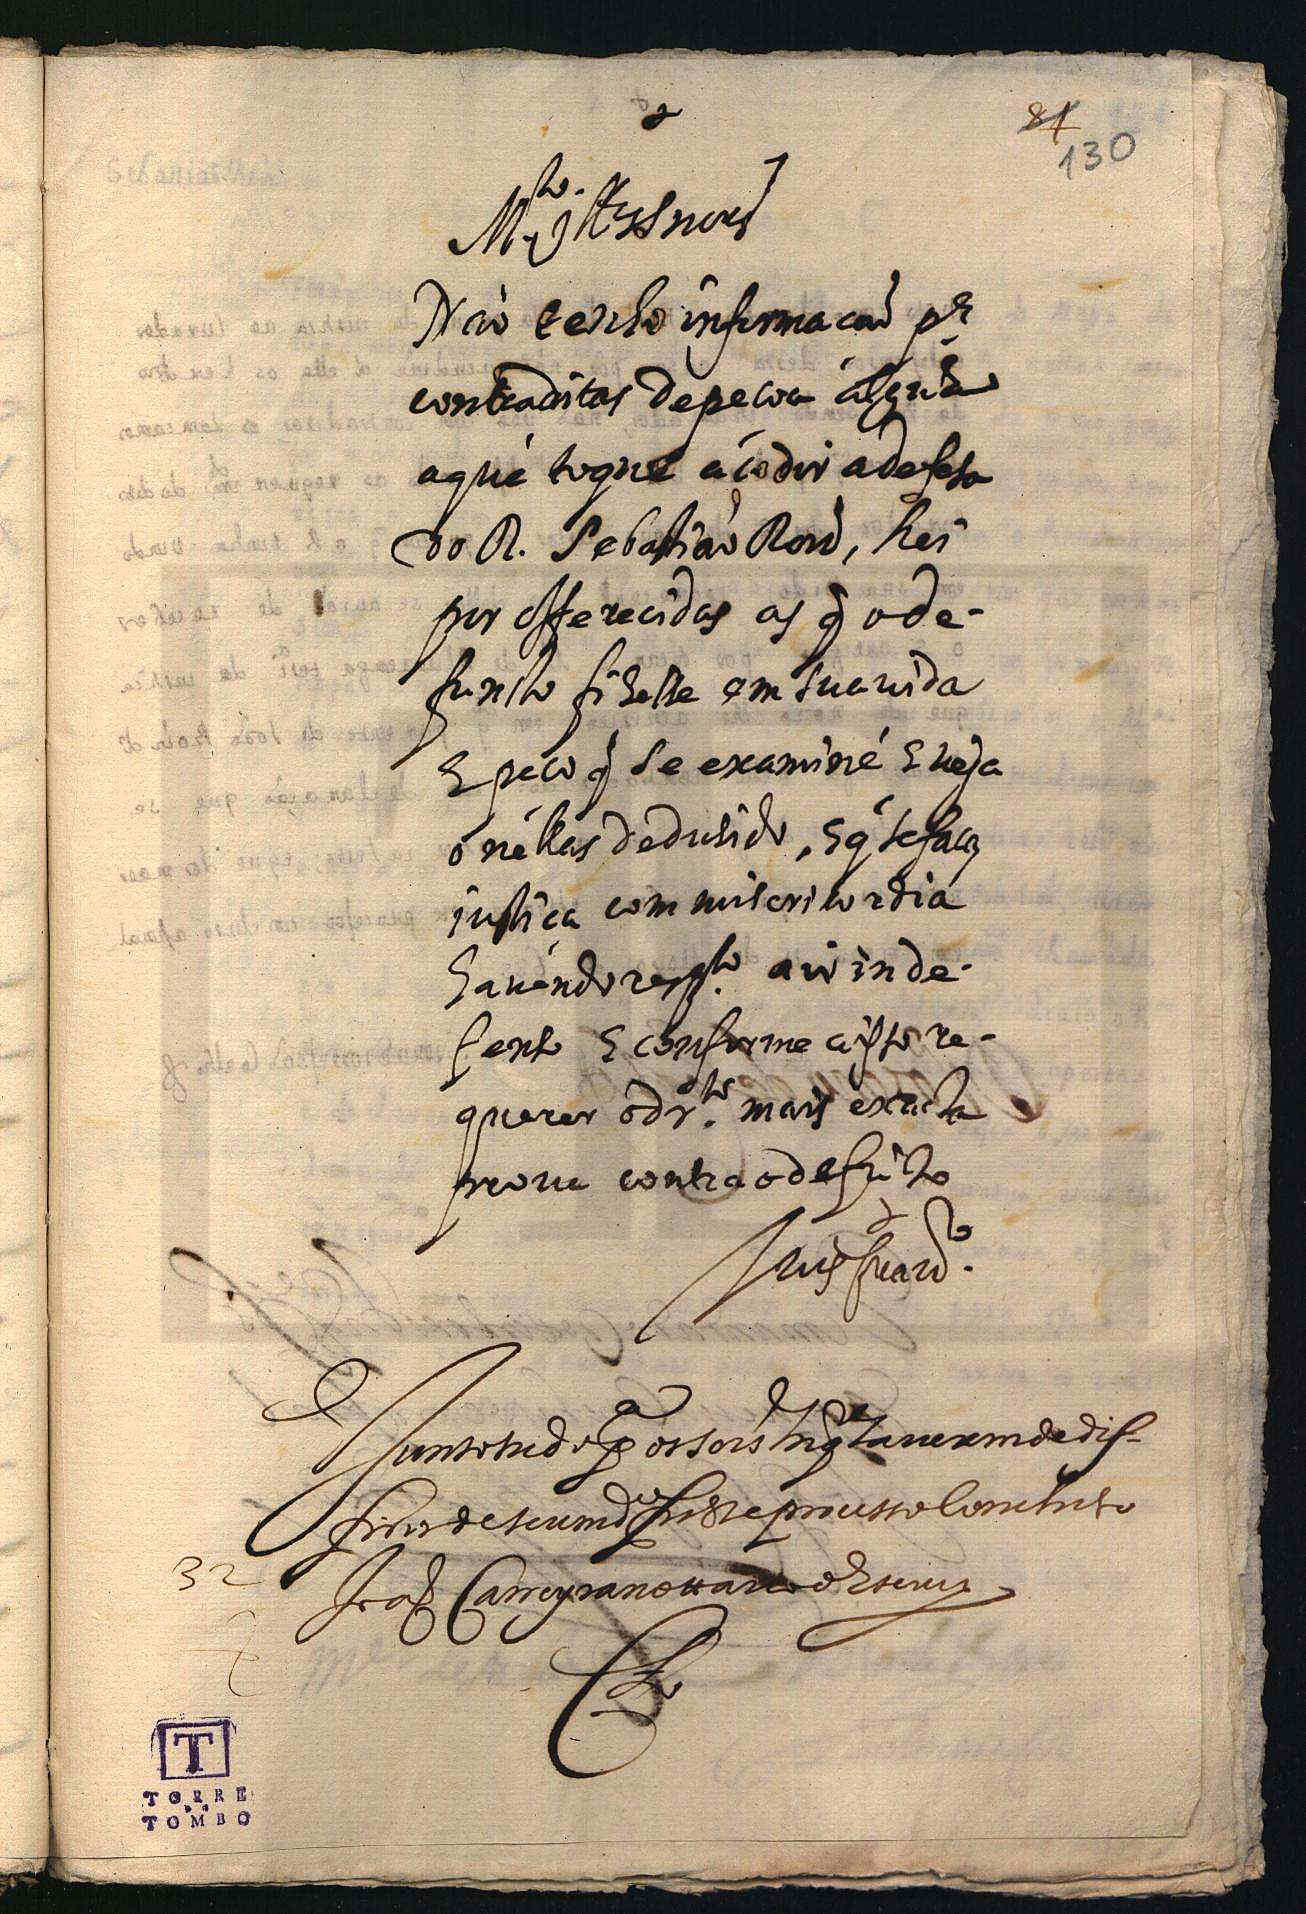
M.to jlles snors̄
Naõ tenho informaçaõ p.a
contraditas de peçoa alguā
a quē toque acodir a defesa
do R. Sebastiaõ Roiz̄, hei
por offerecidas as q̄ o de
functo fizesse em sua uida
E peço q̄ se examinē E ueja
o nellas dedusido, E q̄ se faça
iustiça com misericordia
hauendo resp.to a ir inde
fenso E conforme a isso re
querer o dr.to mais exacta
proua contra o defeito
E Junto tudo pa os sors̄ Inqres auerem de dis
firir de seu mdo fis este processo concluso
Joaõ Carreyra nottario o Escreuj
32
